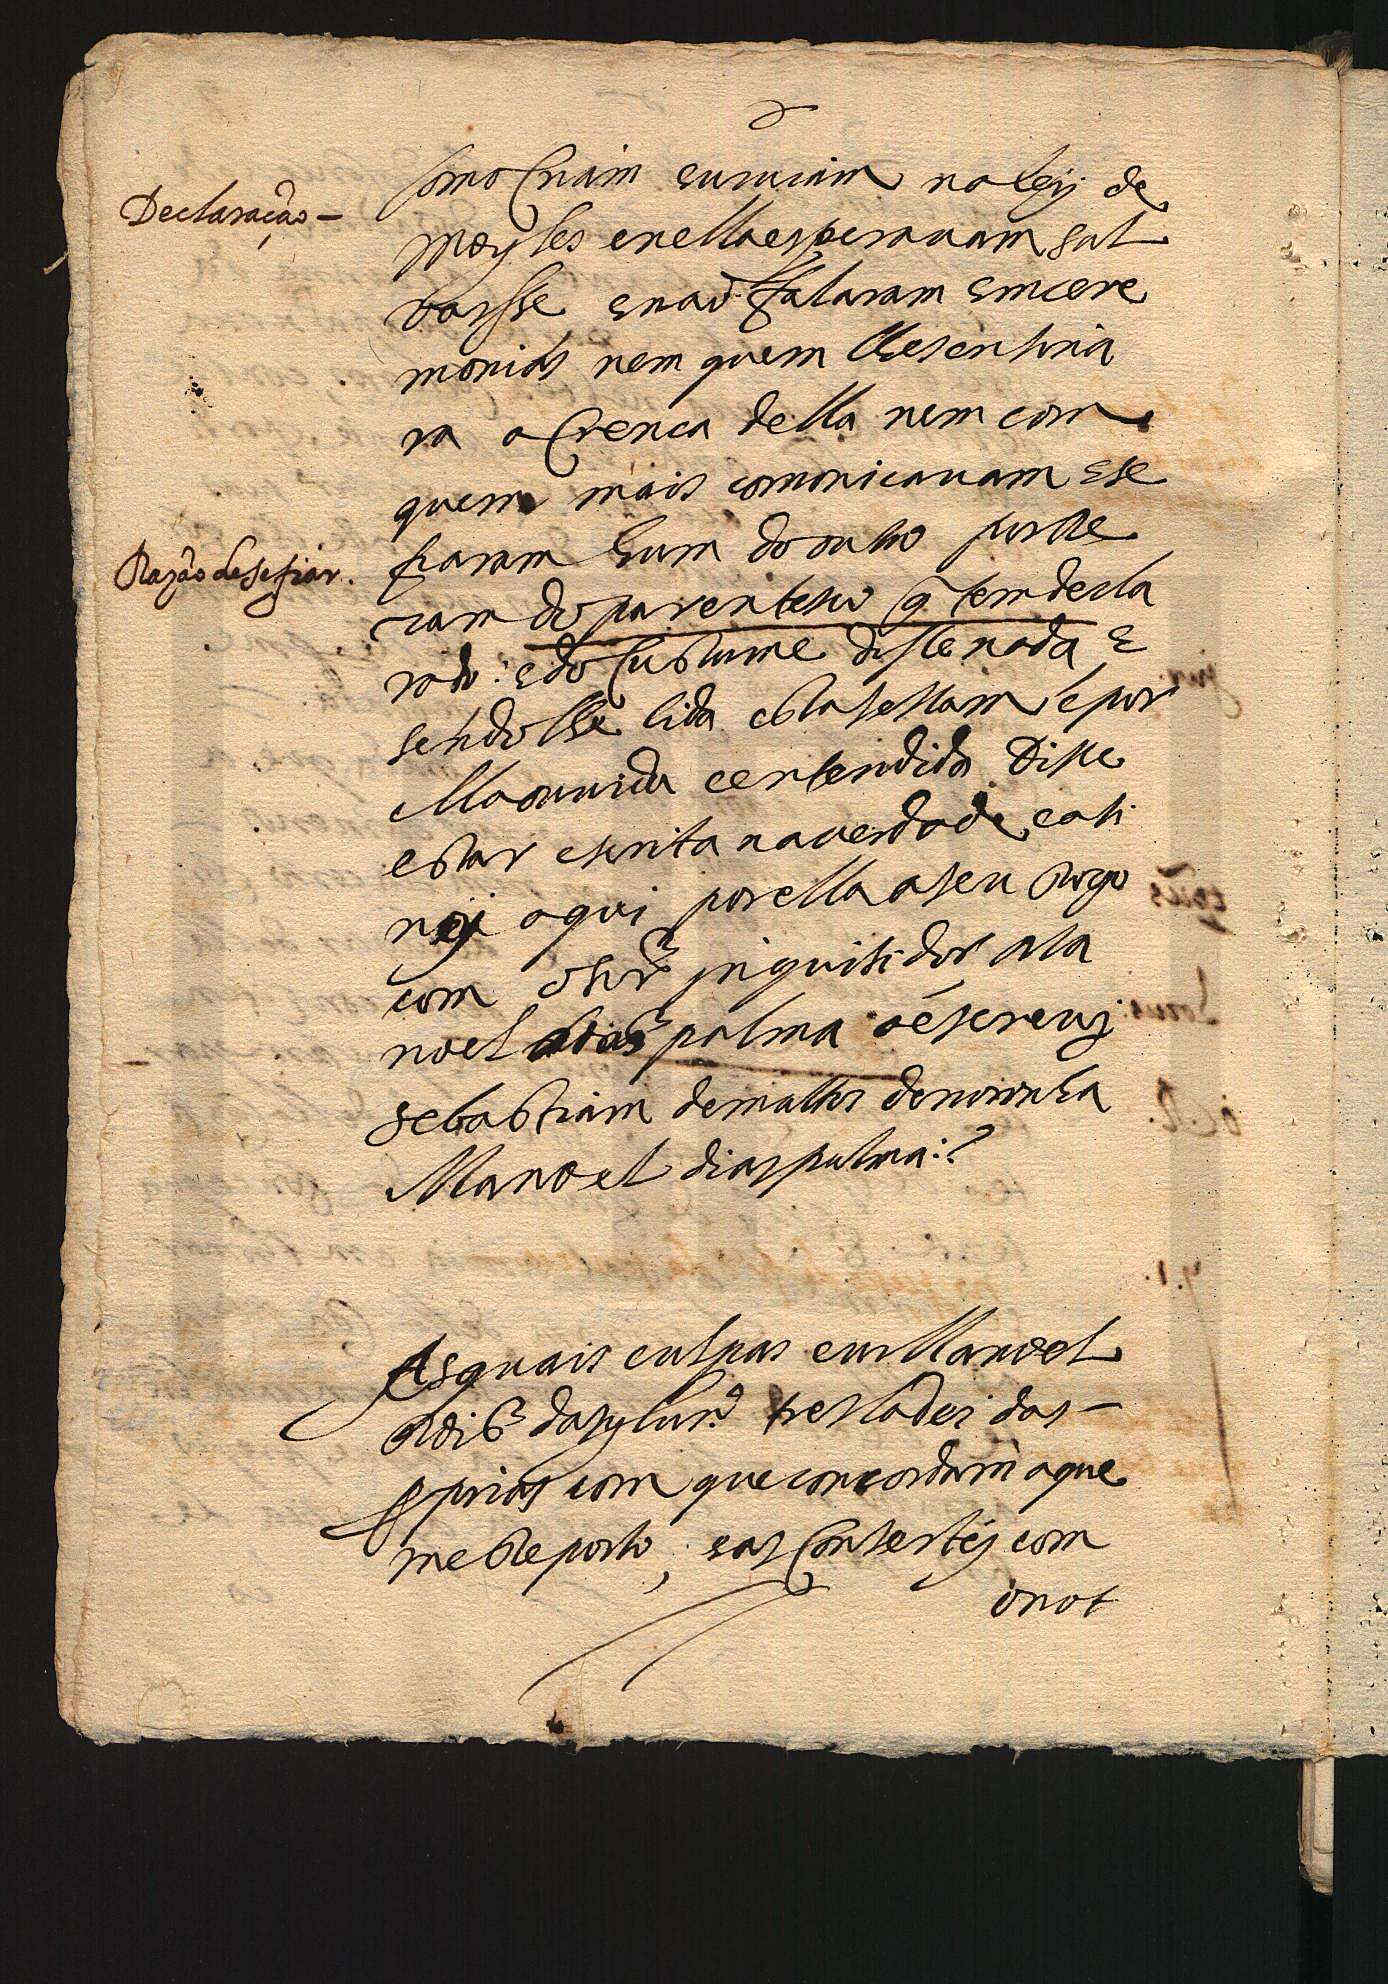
Como Criam e uiuiam na ley de
Declaração -
moyses e nella esperauam saL
varsse e naõ falaram em cere
monias nem quem lhes ensina
ra a Crença della nem com
quem mais comonicauam E se
fiaram hum do outro por Re
Razão de se fiar.
zam do parentesco q̄ tem decla
rado. E do Custume disse nada E
sendolhe lida esta sessam e por
ella ouuida e entendida Disse
estar escrita na uerdade e asi
ney aqui por ella a seu Rogo
com o sor̄ jnquisidor Ma
noel dias palma o escreuj
sebastiam de mattos de noronha
Manoel dias palma
As quais culpas eu Manoel
Rois̄ da sylur.a tresladei das
ꝓprias com que concordam a que
me Reporto, E as Contestej com
o not
